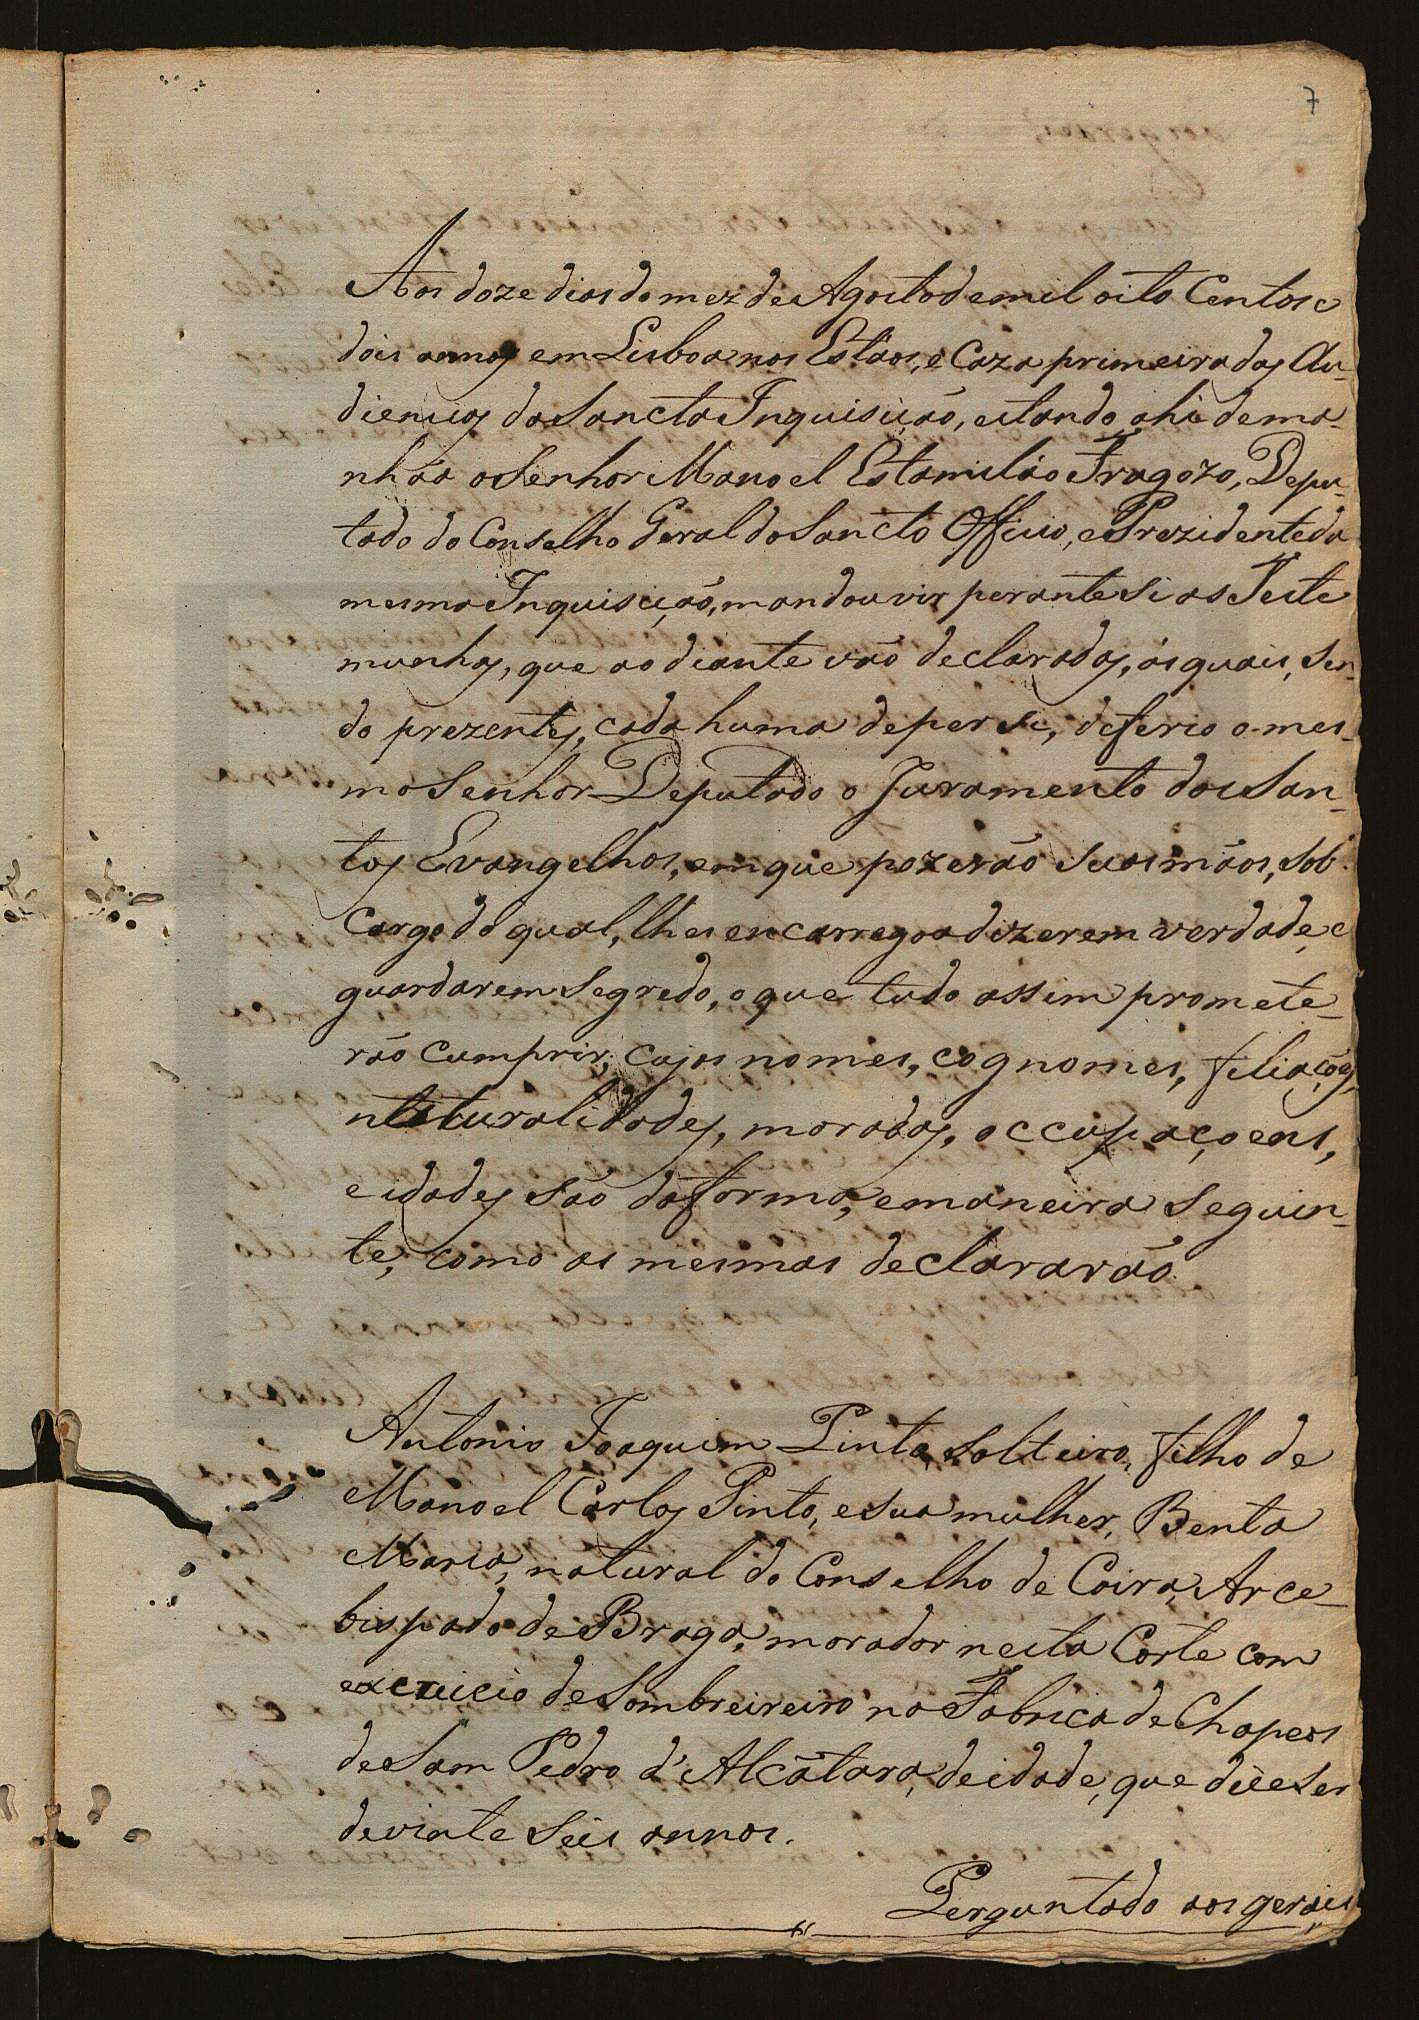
Aos doze dias do mez de Agosto de mil oito Centos e
dois annos em Lisboa nos Estáos, e Caza primeira das Au
diencias da Sancta Inquisiçaõ, estando ahi de ma
nhãa o Senhor Manoel Estanisláo Fragozo, Depu
tado do Conselho Geral do Sancto Officio, e Presidente da
mesma Inquisiçaõ, mandou vir perante si as Teste
munhas, que ao diante vaõ declaradas, às quais, sen
do prezentes, cada huma de per si, deferio o mes
mo Senhor Deputado o Juramento dos San
tos Evangelhos, em que pozeraõ suas mãos, sob
Cargo do qual, lhes encarregou dizerem verdade, e
guardarem segredo, o que tudo assim promete
raõ cumprir, cujos nomes, cognomes, filiações
naturalidades, moradas, occupaçoens,
e idades saõ da forma, e maneira seguin
te, como os mesmos declararaõ.
Antonio Joaquim Pinto, solteiro, filho de
Manoel Carlos Pinto, e sua mulher, Benta
Maria, natural do Conselho de Coira Arce
bispado de Braga, morador nesta Corte com
exercicio de Sombreireiro na Fabrica de Chapeos
de Sam Pedro d’Alcãtara, de idade, que dice ser
de vinte seis annos.
Perguntado aos gerais
